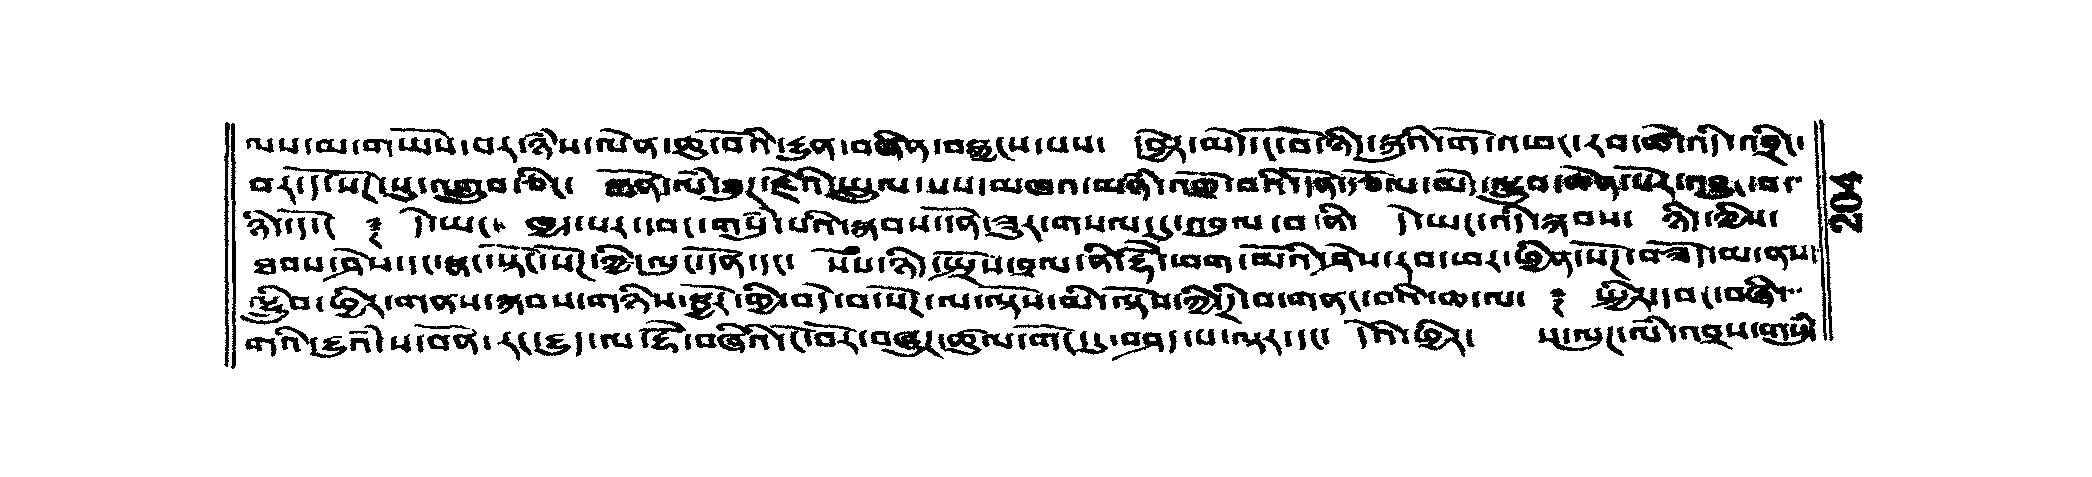ལས་མ་གཡོས་བར་ཉམས་ལེན་ཆུ་བོའི་རྒྱུན་བཞིན་བསྐྱངས་པས། དབྱེར་མེད་ངོ་བོ་ཉིད་སྐུའི་གོ་འཕང་རབ་ཚེ་འདི་འབྲིང་
བར་དོ་སོགས་སུ་འགྲུབ་ཅིང་། སྨོན་ལམ་ཐུགས་རྗེའི་སྤྲུལ་པས་མཁའ་མཉམ་འགྲོ་བའི་དོན་རྩོལ་མེད་ལྷུན་གྲུབ་ཆེན་པོར་འབྱུང་བ་
ཉིད་དོ། དེ་ཡང་། ཁྱད་པར་དབང་གསུམ་པའི་སྐབས་དོན་ཟུར་གསལ་དུ་འབུལ་བ་ནི། དེ་ཡང་འདི་སྐབས། ཉིད་ཀྱིས་
ཐབས་ཤེས་དང་སྣང་སྟོང་སོགས་ཀྱི་ལུང་དོན་དང་། སེམས་ཉིད་སྤྲོས་བྲལ་ནི་རྡོ་རྗེ་ཕག་མོའི་ཤེས་རབ་ཕར་ཕྱིན་སོགས་བཟོད་མ་ནས་
ལྷུན་གྱིས་གྲུབ་ཕྱིར་གནས་སྐབས་གཉིས་སྦྱོར་གྱི་བདེ་བ་སོགས་ལ་ལྟོས་མི་ལྟོས་ཀྱི་དྲི་བ་གནང་བའི་ཆ་ལ། སྤྱིར་དབང་བཞི་
གའི་རྒྱུའམ་ས་བོན་རང་རྒྱུད་ལ་རྡོ་རྗེ་བཞིའི་ངོ་བོར་བཞུགས་ཚུལ་གོང་དུ་བཤད་པ་ལྟར་དང་། དེའི་ཕྱིར་ས་ལུགས་ལམ་འབྲས་གསུམ་